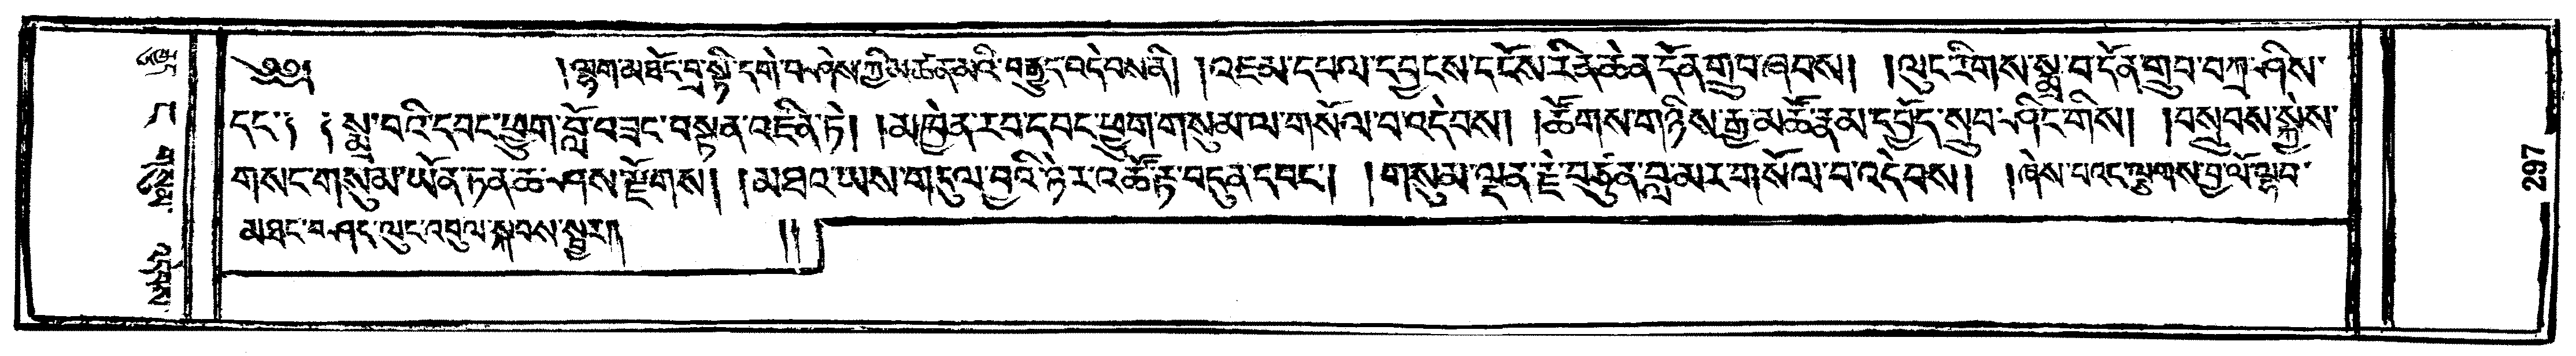༄༅། །ལྷག་མཐོང་བྲ་སྟི་དགེ་བཤེས་ཀྱི་མཚན་མའི་བརྒྱུད་འདེབས་ནི། །འཇམ་དཔལ་དབྱངས་དངོས་རིན་ཆེན་དོན་གྲུབ་ཞབས། །ལུང་རིགས་སྨྲ་བ་དོན་གྲུབ་བཀྲ་ཤིས་
དང་། །སྨྲ་བའི་དབང་ཕྱུག་བློ་བཟང་བསྟན་འཛིན་ཏེ། །མཁྱེན་རབ་དབང་ཕྱུག་གསུམ་ལ་གསོལ་བ་འདེབས། །ཚོགས་གཉིས་རྒྱ་མཚོ་རྣམ་དཔྱོད་སྲུབ་ཤིང་གིས། །བསྲུབས་སྐྱེས་
གསང་གསུམ་ཡོན་ཏན་ཆ་ཤས་རྫོགས། །མཐའ་ཡས་གདུལ་བྱའི་ཉེར་འཚོ་རྟ་བདུན་དབང་། །གསུམ་ལྡན་རྗེ་བཙུན་བླ་མར་གསོལ་བ་འདེབས། །ཞེས་པའང་ལྕགས་བྱ་ལོ་ལྷབ་
མཐང་བཤད་ལུང་འབུལ་སྐབས་སྦྱར།།